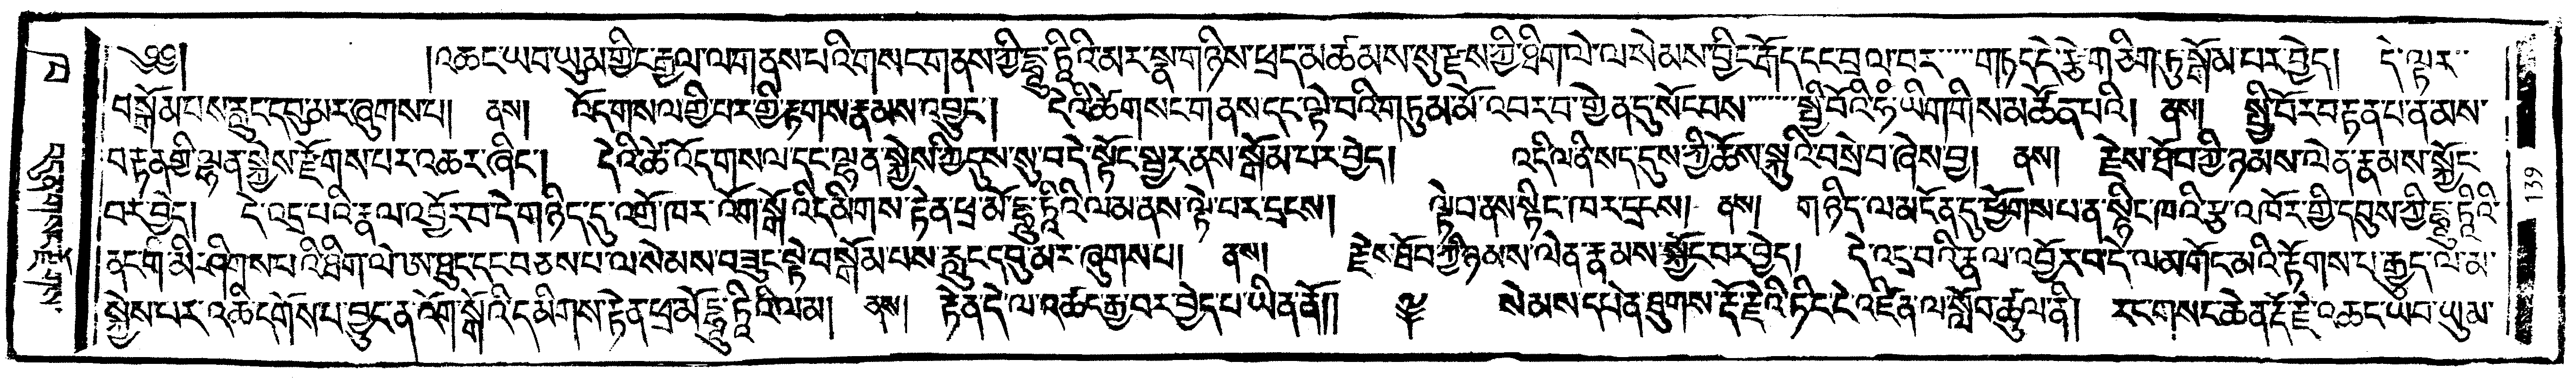༄༅། །འཆང་ཡབ་ཡུམ་གྱི་ང་རྒྱལ་ལ་གནས་པའི་གསང་གནས་ཀྱི་དྷཱུ་ཏཱིའི་མར་སྣ་གཉིས་ཕྲད་མཚམས་སུ་རྫས་ཀྱི་ཐིག་ལེ་ལ་སེམས་བྱིང་རྒོད་དང་བྲལ་བར་གཏད་དེ་རྩེ་གཅིག་ཏུ་སྒོམ་པར་བྱེད། དེ་ལྟར་
བསྒོམ་པས་རླུང་དབུ་མར་ཞུགས་པ། ནས། འོད་གསལ་གྱི་པར་གྱི་རྟགས་རྣམས་འབྱུང་། དེའི་ཚེ་གསང་གནས་དང་ལྟེ་བའི་གཏུམ་མོ་འབར་བ་གྱེན་དུ་སོང་བས་སྤྱི་བོའི་ཧཾ་ཡིག་གིས་མཚོན་པའི། ནས། སྤྱི་བོར་བརྟན་པ་ན་མས་
བརྟན་གྱི་ལྷན་སྐྱེས་རྫོགས་པར་འཆར་ཞིང་། དེའི་ཚེ་འོད་གསལ་དང་ལྷན་སྐྱེས་ཀྱི་དུས་སུ་བདེ་སྟོང་སྦྱར་ནས་སྒོམ་པར་བྱེད། འདི་ལ་ནི་སད་དུས་ཀྱི་ཆོས་སྐུའི་བསྲེ་བ་ཞེས་བྱ། ནས། རྗེས་ཐོབ་ཀྱི་ཉམས་ལེན་རྣམས་སྐྱོང་
བར་བྱེད། དེ་འདྲ་པའི་རྣལ་འབྱོར་བ་དེ་གཉིད་དུ་འགྲོ་ཁར་འོག་སྒོའི་དམིགས་རྟེན་ཕྲ་མོ་དྷཱུ་ཏཱིའི་ལམ་ནས་ལྟེ་པར་དྲངས། ལྟེབ་ནས་སྟིང་ཁར་དྲངས། ནས། གཉིད་ལ་མངོན་དུ་ཕྱོགས་པ་ན་སྙིང་ཁའི་རྩ་འཁོར་གྱི་དབུས་ཀྱི་དྷཱུ་ཏཱིའི་
ནང་གི་མི་ཤིགས་པའི་ཐིག་ལེ་ཨ་ཐུང་དང་བཅས་པ་ལ་སེམས་བཟུང་སྟེ་བསྒོམ་པས་རླུང་དབུ་མར་ཞུགས་པ། ནས། རྗེས་ཐོབ་ཀྱི་ཉམས་ལེན་རྣམས་སྐྱོང་བར་བྱེད། དེ་འདྲ་བའི་རྣལ་འབྱོར་བ་དེ་ལམ་གོང་མའི་རྟོགས་པ་རྒྱུད་ལ་མ་
སྐྱེས་པར་འཆི་དགོས་པ་བྱུང་ན་འོག་སྒོའི་དམིགས་རྟེན་ཕྲ་མོ་དྷཱུ་ཏཱིའི་ལམ། ནས། རྟེན་དེ་ལ་འཚང་རྒྱ་བར་བྱེད་པ་ཡིན་ནོ།། ༈ སེམས་དཔེན་ཐུགས་རྡོ་རྗེའི་ཏིང་ངེ་འཛིན་ལ་སློབ་ཚུལ་ནི། རང་གསང་ཆེན་རྡོ་རྗེ་འཆང་ཡབ་ཡུམ་